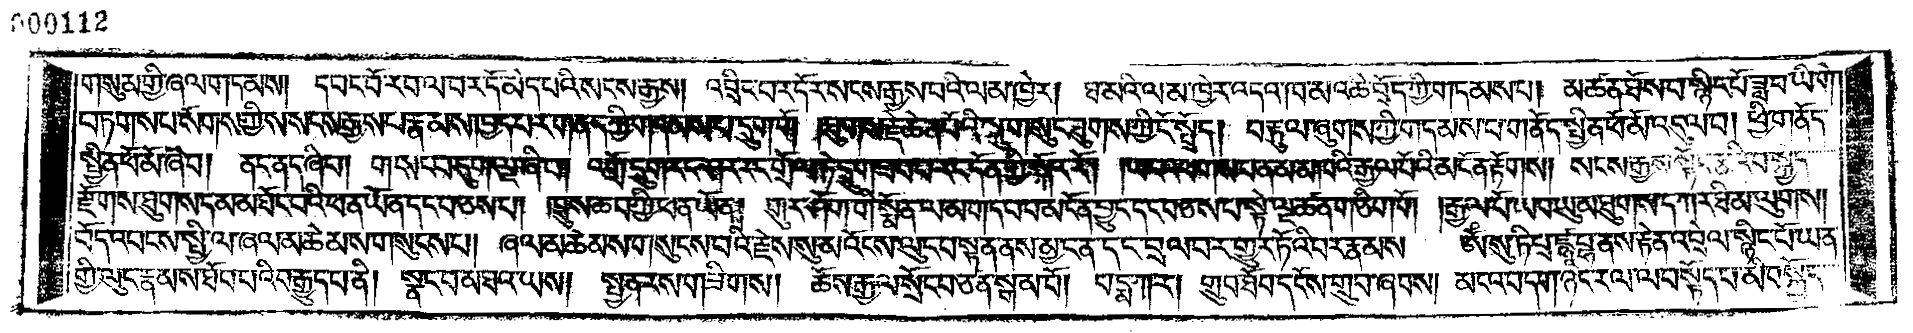གསུམ་གྱི་ཞལ་གདམས། དབང་པོ་རབ་ལ་བར་དོ་མེད་པའི་སངས་རྒྱས། འབྲིང་བར་དོར་སངས་རྒྱས་བའི་ལམ་ཁྱེར། ཐ་མའི་ལམ་ཁྱེར་འདའ་ཁ་མ་འཆི་བྲོད་ཀྱི་གདམས་པ། མཚན་ཐོས་པ་སྙིང་པོ་ཟླ་བ་ཡི་གེ་
བཏགས་པ་སོགས་ཀྱིས་སངས་རྒྱས་པ་རྣམས་ཁྱད་པར་གནད་ཀྱི་གདམས་པ་དྲུག་གོ །ཐུགས་རྗེ་ཆེན་པོའི་སྐུ་གསུང་ཐུགས་ཀྱི་ངོ་སྤྲོད། བརྟུལ་ཞུགས་ཀྱི་གདམས་པ་གནོད་སྤྱིན་ཕོ་མོ་འདུལ་བ། ཕྱི་གནོད་
སྤྱིན་ཕོ་མོ་ཞེབ། ནང་ནད་ཞི་བ། གསང་བ་དུག་ལྔ་ཞི་བ། འགྲོ་དྲུག་རང་ཤར་རང་གྲོལ་ཏེ་དྲུག་ཟབ་བ་རང་དོན་གྱི་སྐོར་རོ། །ཡང་འཕགས་པ་ནམ་མཁའི་རྒྱལ་པོའི་མངོན་རྟོགས། སངས་རྒྱས་སྟོང་རྩའི་བསྐྱེད་
རྫོགས་ཐུགས་དམ་མཐོང་བའི་ཕན་ཡོན་དང་བཅས་པ། ཁྲུས་ཆབ་ཀྱི་ཕན་ཡོན། གུར་ཤོག་གི་སྨོན་ལམ་གདབ་བ་མངོན་བྱུང་དང་བཅས་པ་སྟེ་ལྔ་ཚན་གཅིག་གོ །རྒྱལ་པོ་ཡབ་ཡུམ་ཐུགས་དཀར་ཐིམ་ལུགས།
བོད་འབངས་སྤྱི་ལ་ཞལ་མཆེམས་གསུངས་པ། ཞལ་མཆེམས་གསུངས་པའི་རྗེས་སུ་མའོངས་ལུང་བསྟན་ནས་མྱ་ངན་དང་བྲལ་བར་གྱུར་ཏོའི་བར་རྣམས། ཨོཾ་སུ་ཏིཔྲ་ཛྙཱ་བྷ་ནས་རྟེན་འབྲེལ་སྙིང་པོ་ཡན་
གྱི་ལུང་རྣམས་ཐོབ་པའི་བརྒྱུད་པ་ནི། སྣང་བ་མཐའ་ཡས། སྤྱན་རས་གཟིགས། ཆོས་རྒྱལ་སྲོང་བཙན་སྒམ་པོ། པདམ་ཀ་ར། གྲུབ་ཐོབ་དངོས་གྲུབ་ཞབས། མངའ་བདག་ཉིང་རལ་ལ་བསྟོད་པ་མི་བསྐྱོད་